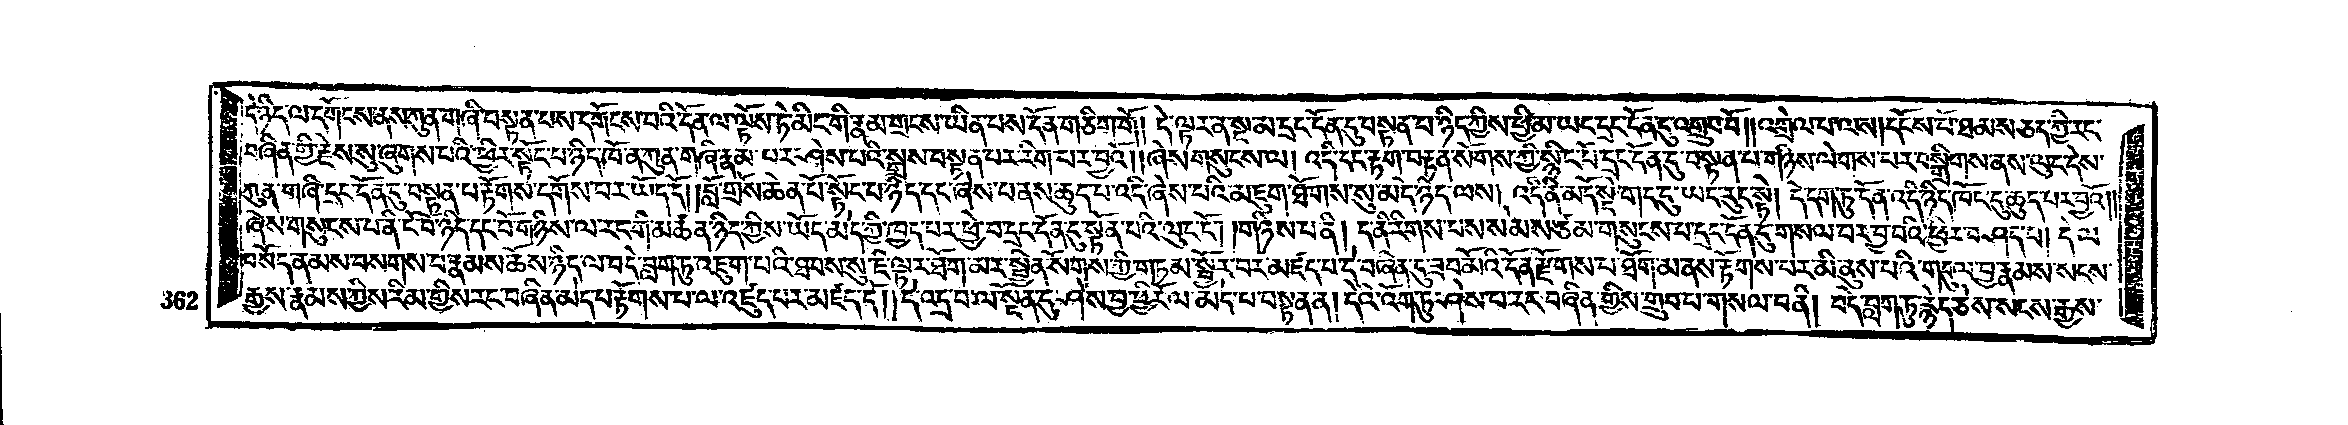དེ་ཉིད་ལ་དགོངས་ནས་ཀུན་གཞི་བསྟན་པས་དགོངས་པའི་དོན་ལ་ལྟོས་ཏེ་མིང་གི་རྣམ་གྲངས་ཡིན་པས་དོན་གཅིག་གོ །དེ་ལྟར་ན་སྔ་མ་དྲང་དོན་དུ་བསྟན་པ་ཉིད་ཀྱིས་ཕྱི་མ་ཡང་དྲང་དོན་དུ་འགྲུབ་བོ། །འགྲེལ་པ་ལས། དངོས་པོ་ཐམས་ཅད་ཀྱི་རང་
བཞིན་གྱི་རྗེས་སུ་ཞུགས་པའི་ཕྱིར་སྟོང་པ་ཉིད་ཁོ་ན་ཀུན་གཞི་རྣམ་པར་ཤེས་པའི་སྒྲས་བསྟན་པར་རིག་པར་བྱའོ། །ཞེས་གསུངས་ལ། འདི་དང་རྟག་བརྟན་སོགས་ཀྱི་སྙིང་པོ་དྲང་དོན་དུ་བསྟན་པ་གཉིས་ལེགས་པར་བསྒྲིགས་ནས་ལུང་དེས་
ཀུན་གཞི་དྲང་དོན་དུ་བསྟན་པ་རྟོགས་དགོས་པར་ཡོད་དོ། །བློ་གྲོས་ཆེན་པོ་སྟོང་པ་ཉིད་དང་ཞེས་པ་ནས་ཆུད་པ་འདི་ཞེས་པའི་མཇུག་ཐོགས་སུ་མདོ་ཉིད་ལས། འདི་ནི་མདོ་སྡེ་གང་དུ་ཡང་རུང་སྟེ། དེ་དག་ཏུ་དོན་འདི་ཉིད་ཁོང་དུ་ཆུད་པར་བྱའོ། །
ཞེས་གསུངས་པ་ནི་ངོ་བོ་ཉིད་དང་པོ་གཉིས་ལ་རང་གི་མཚན་ཉིད་ཀྱིས་ཡོད་མེད་ཀྱི་ཁྱད་པར་ཕྱེ་བ་དྲང་དོན་དུ་སྟོན་པའི་ལུང་ངོ། །གཉིས་པ་ནི། ད་ནི་རིགས་པས་སེམས་ཙམ་གསུངས་པ་དྲང་དོན་དུ་གསལ་བར་བྱ་བའི་ཕྱིར་བཤད་པ། དེ་ལ་
བསོད་ནམས་བསགས་པ་རྣམས་ཆོས་ཉིད་ལ་བདེ་བླག་ཏུ་འཇུག་པའི་ཐབས་སུ་ཇི་ལྟར་ཐོག་མར་སྦྱིན་སོགས་ཀྱི་གཏམ་སྦྱོར་བར་མཛད་པ་དེ་བཞིན་དུ་ཟབ་མོའི་དོན་རྫོགས་པ་ཐོག་མ་ནས་རྟོགས་པར་མི་ནུས་པའི་གདུལ་བྱ་རྣམས་སངས་
རྒྱས་རྣམས་ཀྱིས་རིམ་གྱིས་རང་བཞིན་མེད་པ་རྟོགས་པ་ལ་འཛུད་པར་མཛད་དོ། །དེ་འདྲ་བ་ལ་སྔོན་དུ་ཤེས་བྱ་ཕྱི་རོལ་ལ་མེད་པ་བསྟན་ན། དེའི་འོག་ཏུ་ཤེས་པ་རང་བཞིན་གྱིས་གྲུབ་པ་གསལ་བ་ནི། བདེ་བླག་ཏུ་རྙེད་ཅེས་སངས་རྒྱས་